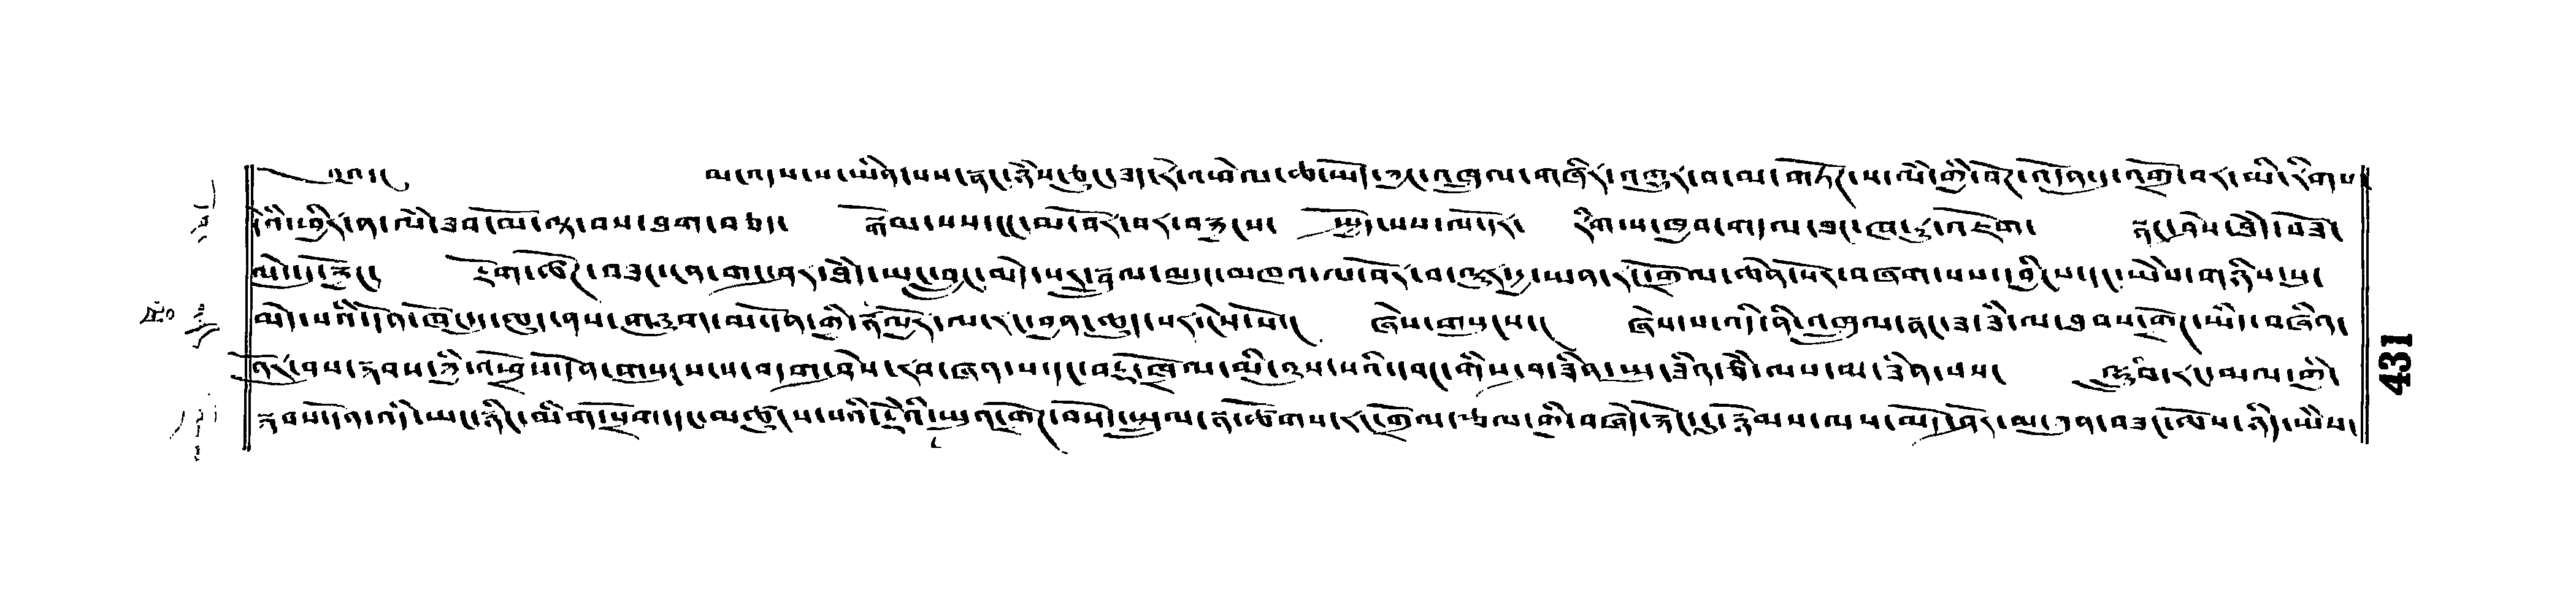མ་འདས་པ་ཡིན་པས་སྣང་ཉམས་ཅུང་ཟད་རེ་འཕེལ་ཆ་ཡོད་ཀྱང་འཁྲུལ་གཞིར་འགྱུར་བ་མ་གཏོགས་པ་ལམ་གྱི་བོགས་འདོན་དུ་འགྲོ་བར་མི་རིག། 
དེའི་ཕྱིར་ན་ལམ་ཟབ་མོ་ལྟ་བས་ཐག་བཅད། སྒོམ་པས་ངང་མ་བོར་བར་བསྐྱངས། སྤྱོད་པས་ལ་དོར། རིག་པ་ཁྱབ་གདལ་ཟང་ཁ་རུ་འཇོག སྣང་ཤེས་ཐམས་ཅད་བཟོ་
མེད་དུ་སྐྱོང་། རྟོག་ཚོགས་བཟང་ངན་གང་ཤར་ཐམས་ཅད་སྤང་བླང་མེད་པར་སྦྲུལ་མདུད་མཁའ་ལ་བོར་བ་ལྟར་བུར་རྒྱ་ཡན་རང་གྲོལ་ཆེན་པོར་བཞག་པས་དབྱིངས་དང་ཡེ་ཤེས་གཉིས་སུ་
མེད་པའི་དོན་ཁོང་དུ་ཆུད་ནས་གཉུག་མ་དོན་གྱི་རྣལ་འབྱོར་ལ་རང་བྱན་ཆུད་པར་ངེས་སོ། ཞེས་གསུངས། ཞེས་པ་འདི་ནི་འཁྲུལ་སྣང་ཟ་ཟི་ལ་ཐབས་གྲོགས་ཡིད་བཞིན་
ནོར་བུས་སྐབས་ཀྱི་འཕྲོས་དོན་གསུངས་པ་བདག་ཤེས་རབ་ཞན་པ་དང་བརྡ་ཁྲོལ་མི་ནུས་པའི་དབང་གིས་ཤ་ཟིན་སྤུ་ཟིན་ཙམ་ལས་མ་ཟིན་པས། ལྷུན་གྲུབ་རང་མལ་གྱི་
སྐབས་དོན་འདི་ཡང་སྙིང་མིག་སྲོག་དང་མཚུངས་པའི་རྡོ་རྗེའི་སྤུན་གྲོགས་བསོད་སྤྲུལ་སྣ་ཚོགས་རང་གྲོལ་རྩལ་གྱི་བཞེད་སྐོང་དུ་སྙོམས་ལས་མདོ་ཤོར་མ་ཀུན་བཟང་ཆོས་ཉིད་ཡེ་ཤེས་